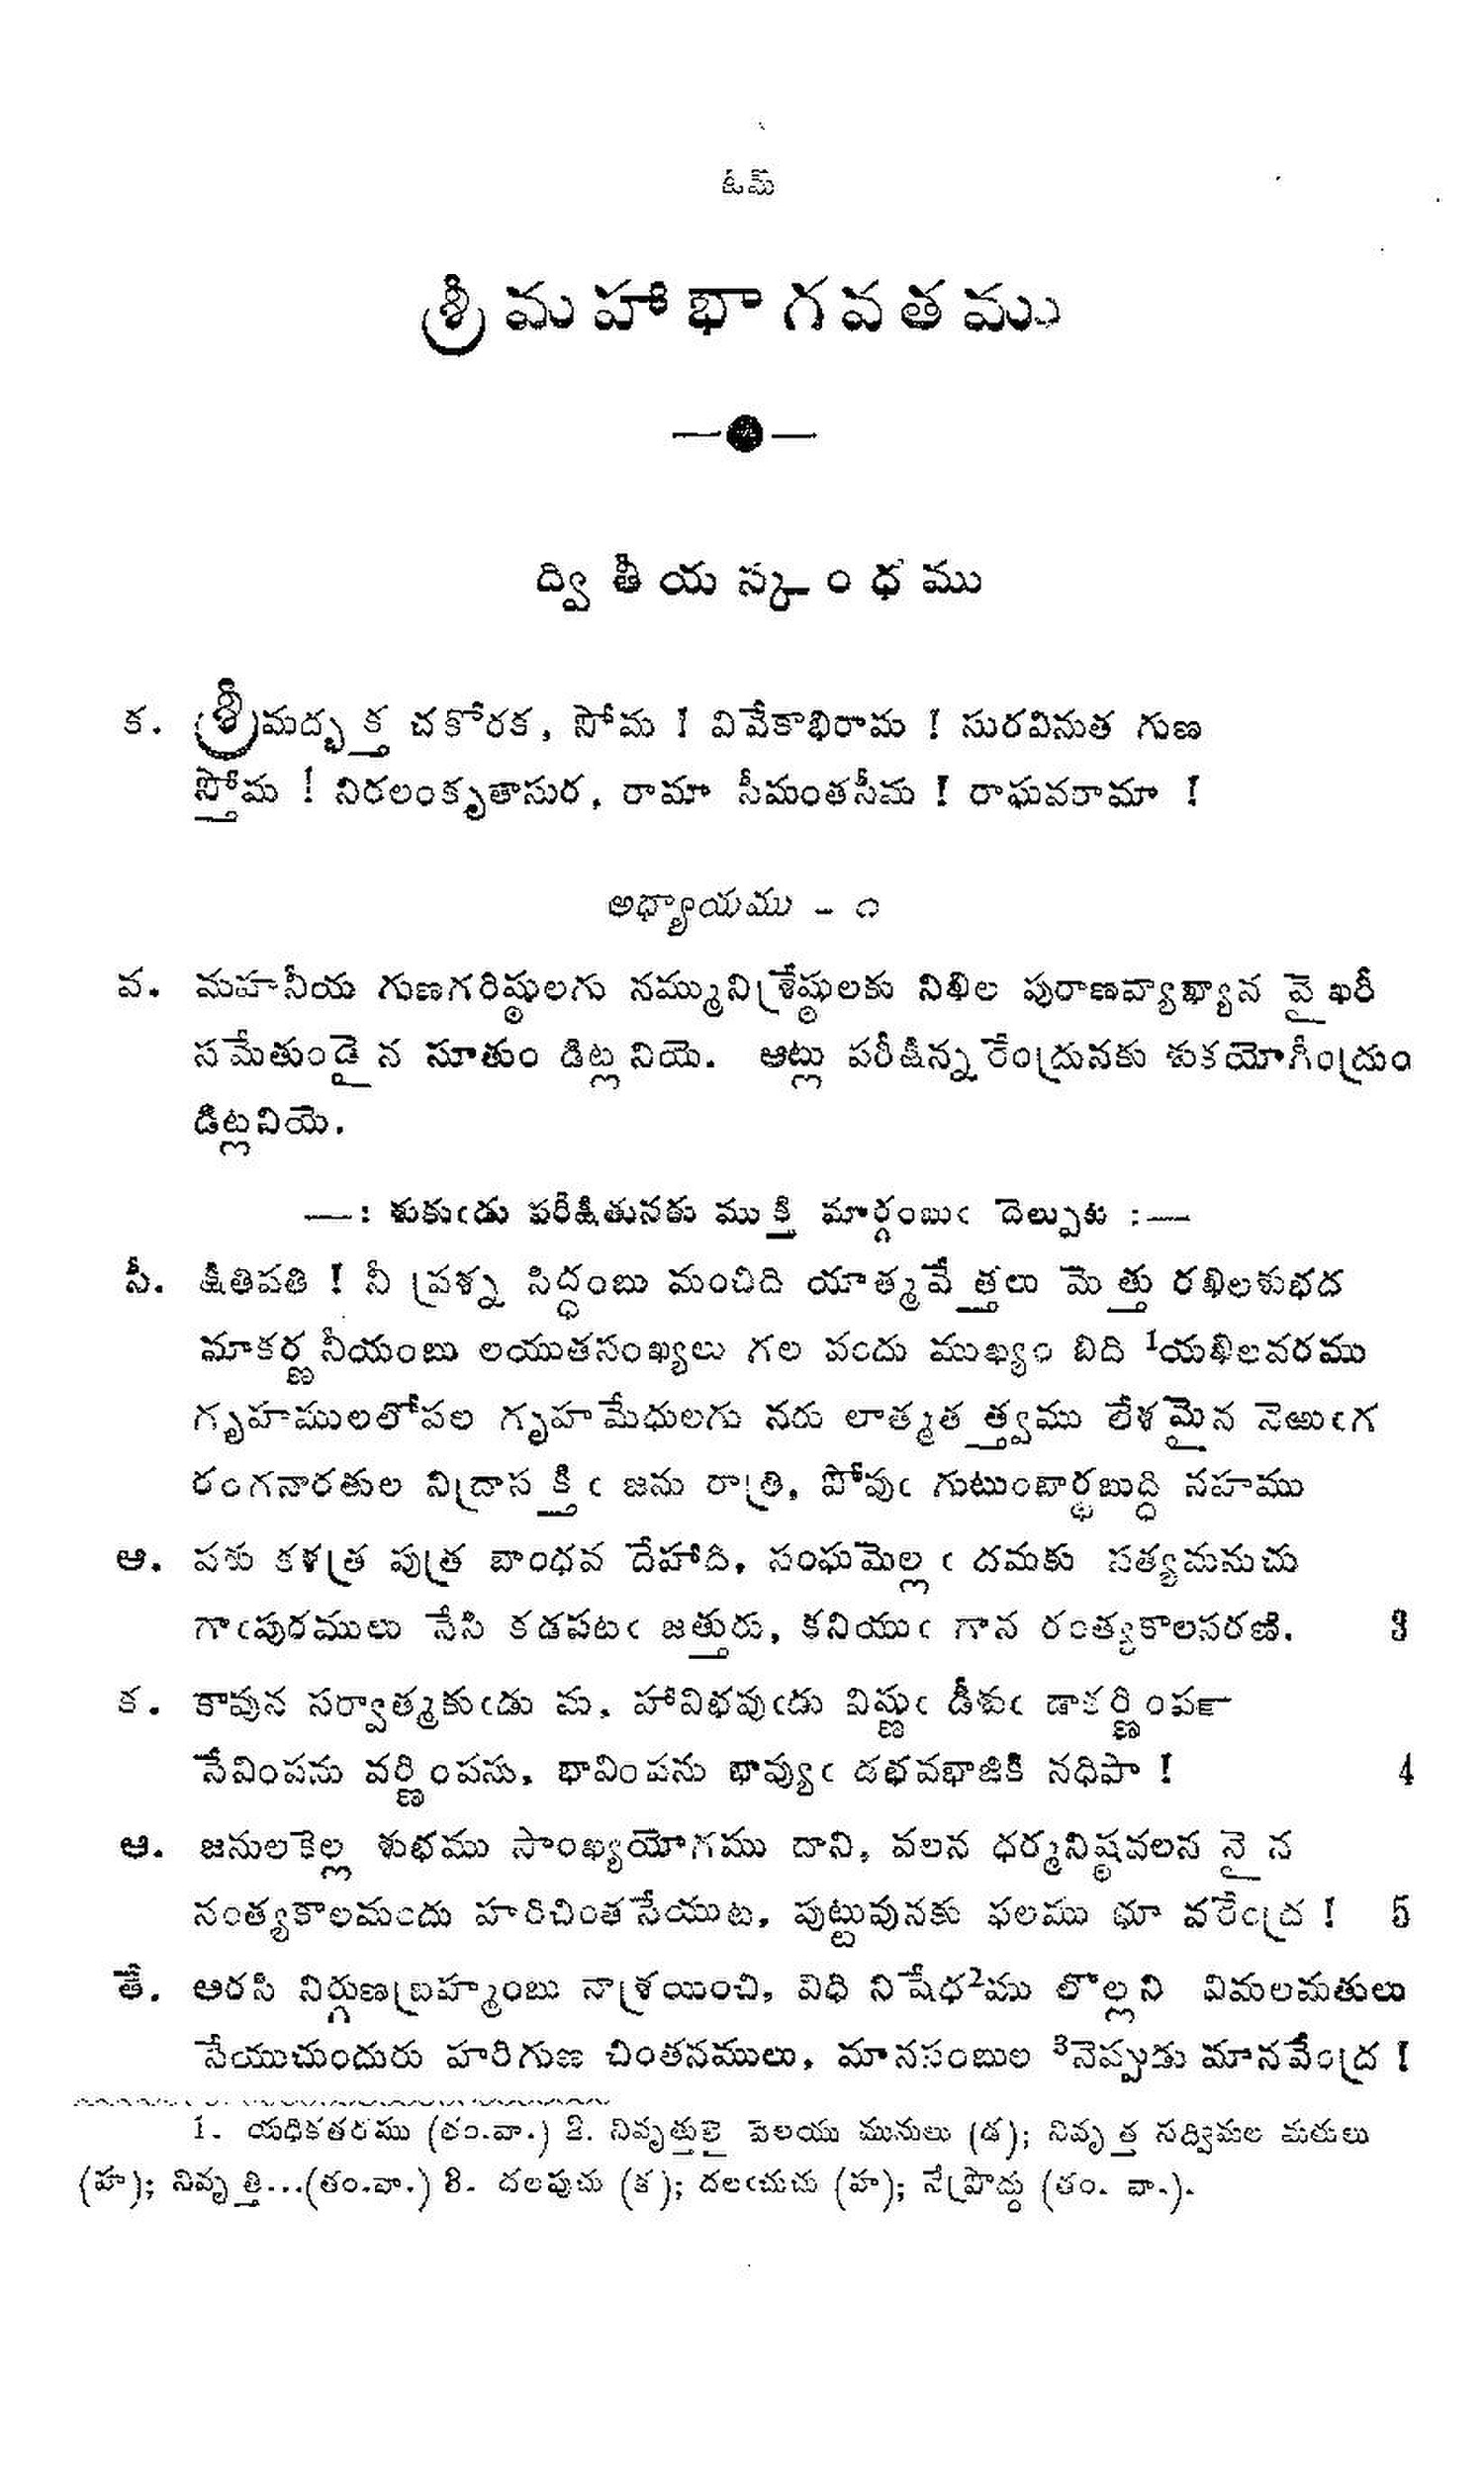శ్రీ మహాభాగవతము

క. శ్రీమద్భక్త చకోరక, సోమ ! వివేకాభిరామ ! సురవినుత గుణ

స్తోమ ! నిరలంకృతాసుర, రామా సీమంతసీమ ! రాఘవరామా ! (1) 

వ. మహానీయ గుణగరిష్ఠులగు నమ్మునిశ్రేష్ఠులకు నిఖిల పురాణవ్యాఖ్యాన వైఖరీ సమేతుండైన సూతుం డిట్లనియె. అట్లు పరీక్షిన్నరేంద్రునకు శుకయోగీంద్రుండిట్లనియె. (2)

సీ. క్షితిపతి ! ప్రశ్నంబు | సిద్ధంబు మంచిది యాత్మవేత్తలు మెత్తు | రఖిలశుభద

మాకర్ణనీయంబు | లయుతసంఖ్యలు గల, వందు ముఖ్యం బిది | యఖిలవరము

గృహములలోపల| గృహమేధులగు నరు, లాత్మతత్త్వము లేశ | మైన నెఱుఁగ

రంగనారతుల ని | ద్రాసక్తిఁ జను రాత్రి, పోవుఁ గుటుంబార్థ | బుద్ధి నహము

ఆ. పశు కళత్ర పుత్ర | బాంధవ దేహాది, సంఘమెల్లఁ దమకు | సత్యమనుచు

గాఁపురములు సేసి కడపటఁ జత్తురు, కనియుఁ గాన రంత్య | కాలసరణి. (3)

క. కావున సర్వాత్మకుఁడు మ, హావిభవుఁడు విష్ణుఁ డీశుఁ | డాకర్ణింపన్

సేవింపను వర్ణింపను, భావింపను భావ్యుఁ డభవ | భాజికి నధిపా ! (4)

ఆ. జనులకెల్ల శుభము సాంఖ్యయోగము దాని, వలన ధర్మ నిష్ఠ | వలన నైన

నంత్యకాలమందు హరిచింత సేయుట, పుట్టువునకు ఫలము | భూవరేంద్ర ! (5)

తే. అరసి నిర్గుణబ్రహ్మంబు | నాశ్రయించి, విధి నిషేధము లొల్లని | విమలమతులు

సేయుచుందురు హరిగుణ | చింతనములు, మానసంబుల నెప్పుడు | మానవేంద్ర ! (6)